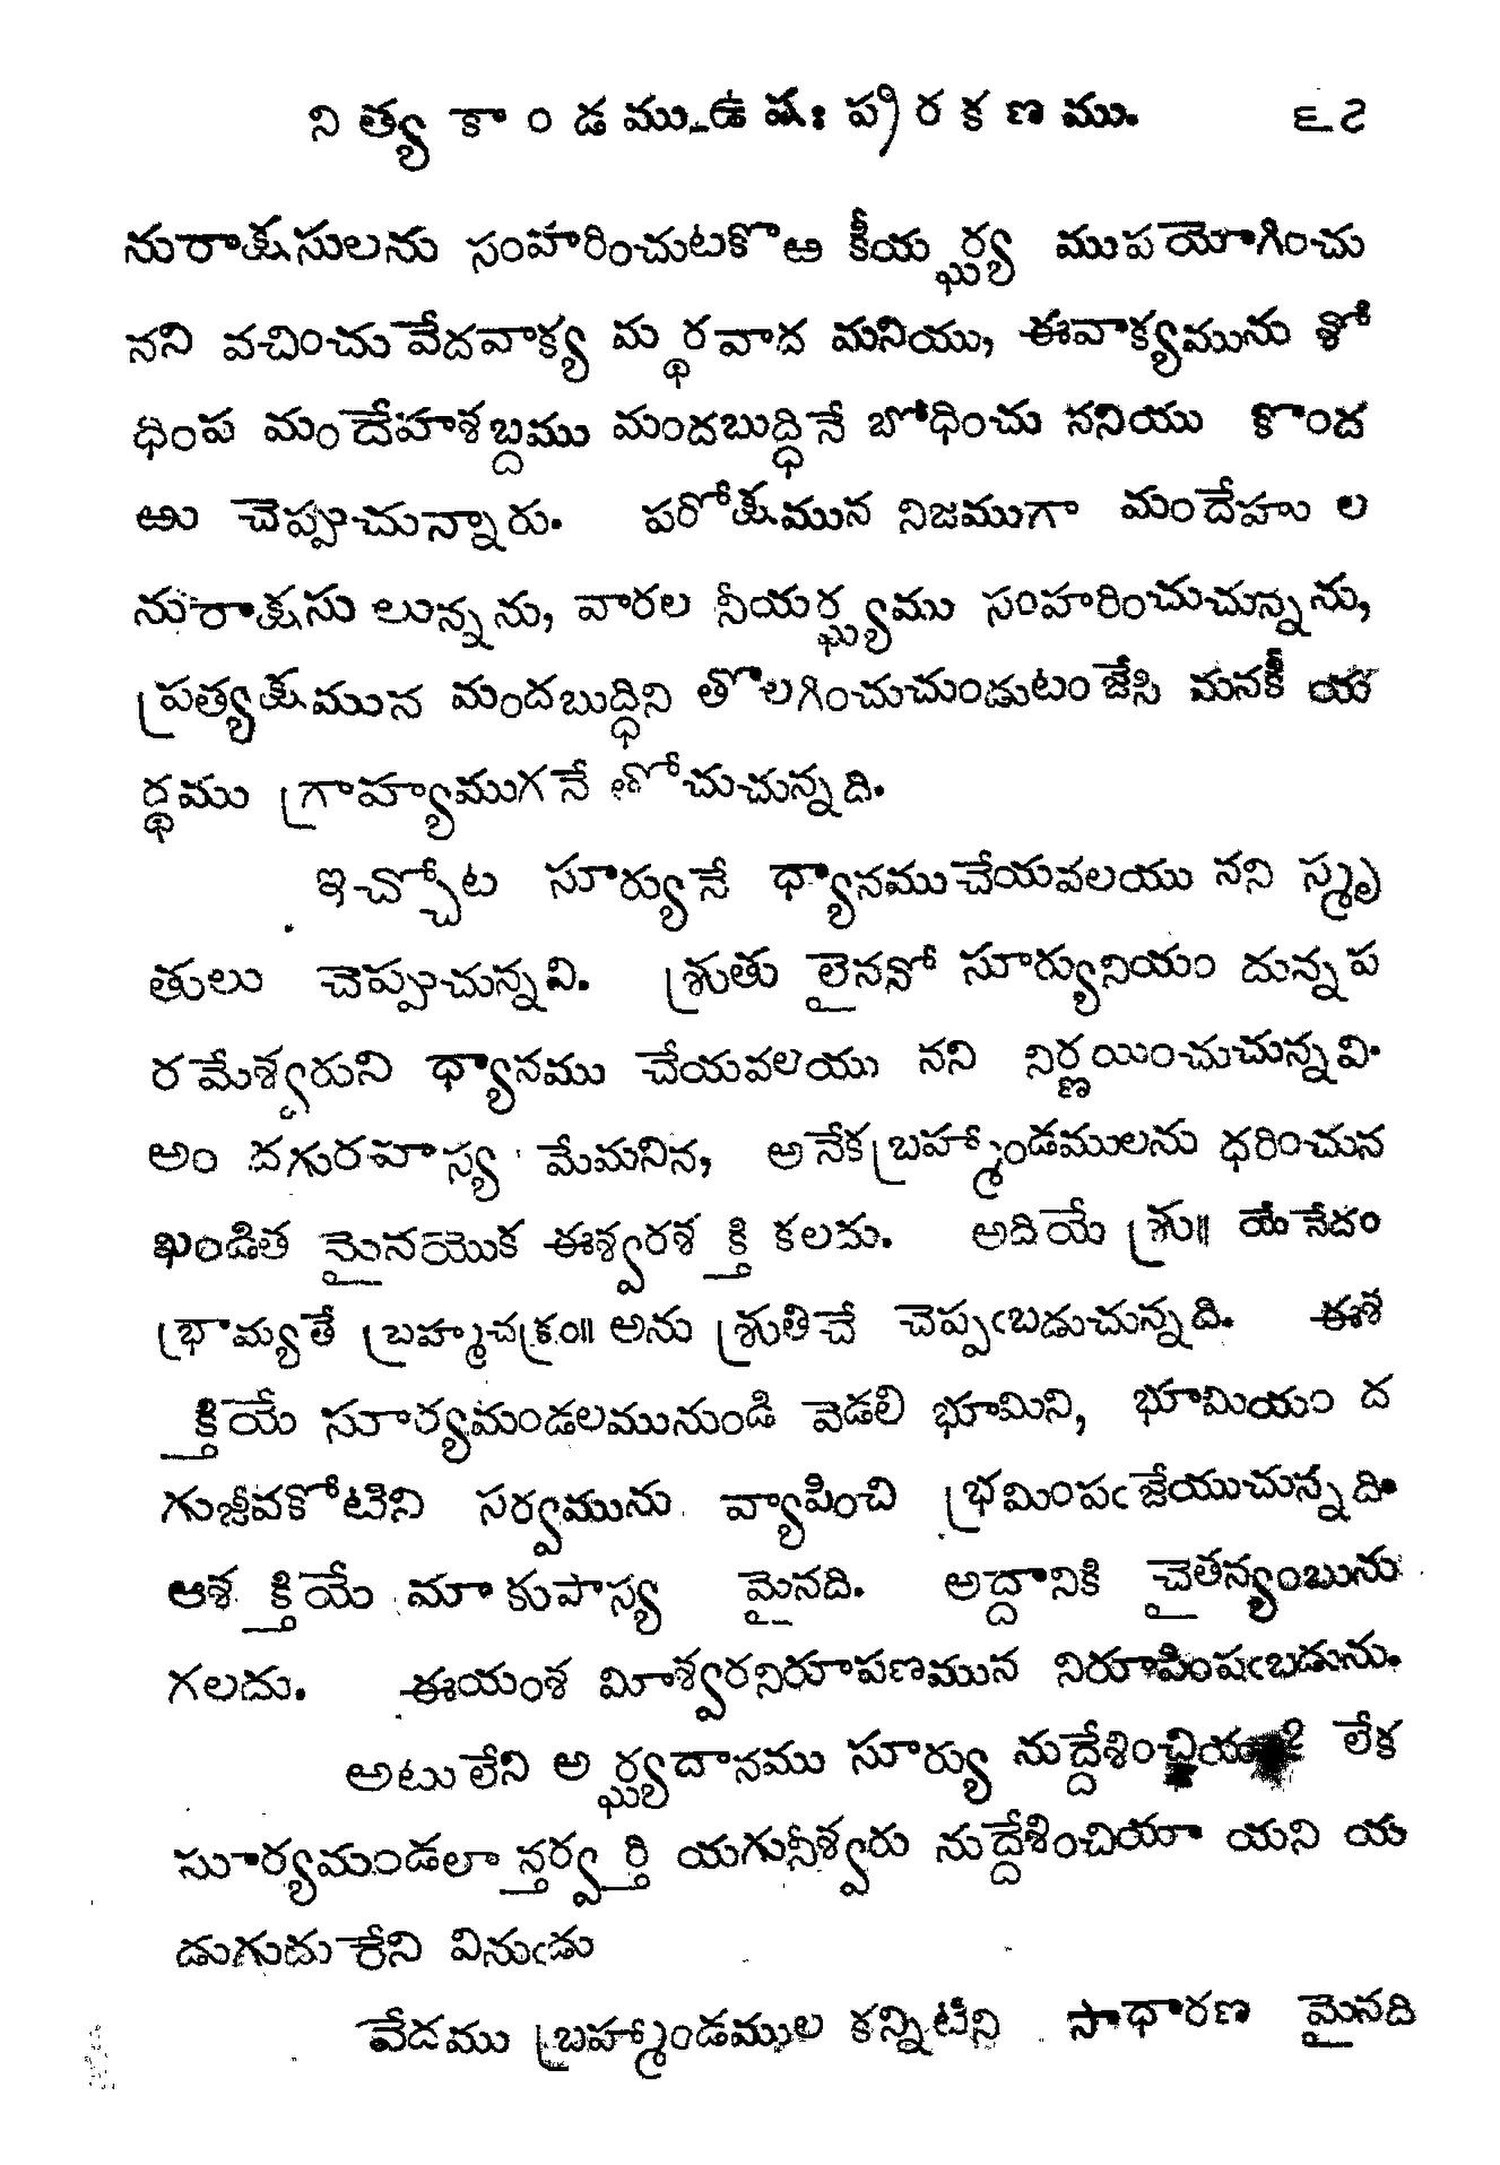నురాక్షసులను సంహరించుటకొఱ కీయర్ఘ్య ముపయోగించునని వచించువేదవాక్య మర్థవాద మనియు, ఈవాక్యమును శోధింప మందేహశబ్దము మందబుద్ధినే బోధించు ననియు కొందఱు చెప్పుచున్నారు. పరోక్షమున నిజముగా మందేహు లనురాక్షసు లున్నను, వారల నీయర్ఘ్యము సంహరించుచున్నను, ప్రత్యక్షమున మందబుద్ధిని తొలగించుచుండుటంజేసి మనకీ యర్థము గ్రాహ్యముగనే తోచుచున్నది.

ఇచ్చోట సూర్యునే ధ్యానముచేయవలయు నని స్మృతులు చెప్పుచున్నవి. శ్రుతు లైననో సూర్యునియం దున్నపరమేశ్వరుని ధ్యానము చేయవలయు నని నిర్ణయించుచున్నవి. అం దగురహస్య మేమనిన, అనేకబ్రహ్మాండములను ధరించున ఖండిత మైనయొక ఈశ్వరశక్తి కలదు. అదియే శ్రు॥ యే వేదం భ్రామ్యతే బ్రహ్మచక్రంII అను శ్రుతిచే చెప్పఁబడుచున్నది. ఈశక్తియే సూర్యమండలమునుండి వెడలి భూమిని, భూమియం దగుజీవకోటిని సర్వమును వ్యాపించి భ్రమింపఁజేయుచున్నది. ఆశక్తియే మాకుపాస్య మైనది. అద్దానికి చైతన్యంబును గలదు. ఈయంశ మీశ్వరనిరూపణమున నిరూపింపఁబడును.

అటులేని అర్ఘ్యదానము సూర్యు నుద్దేశించియా? లేక సూర్యమండలాన్తర్వర్తి యగునీశ్వరు నుద్దేశించియా యని యడుగుదురేని వినుఁడు

వేదము బ్రహ్మాండముల కన్నిటిని సాధారణ మైనది